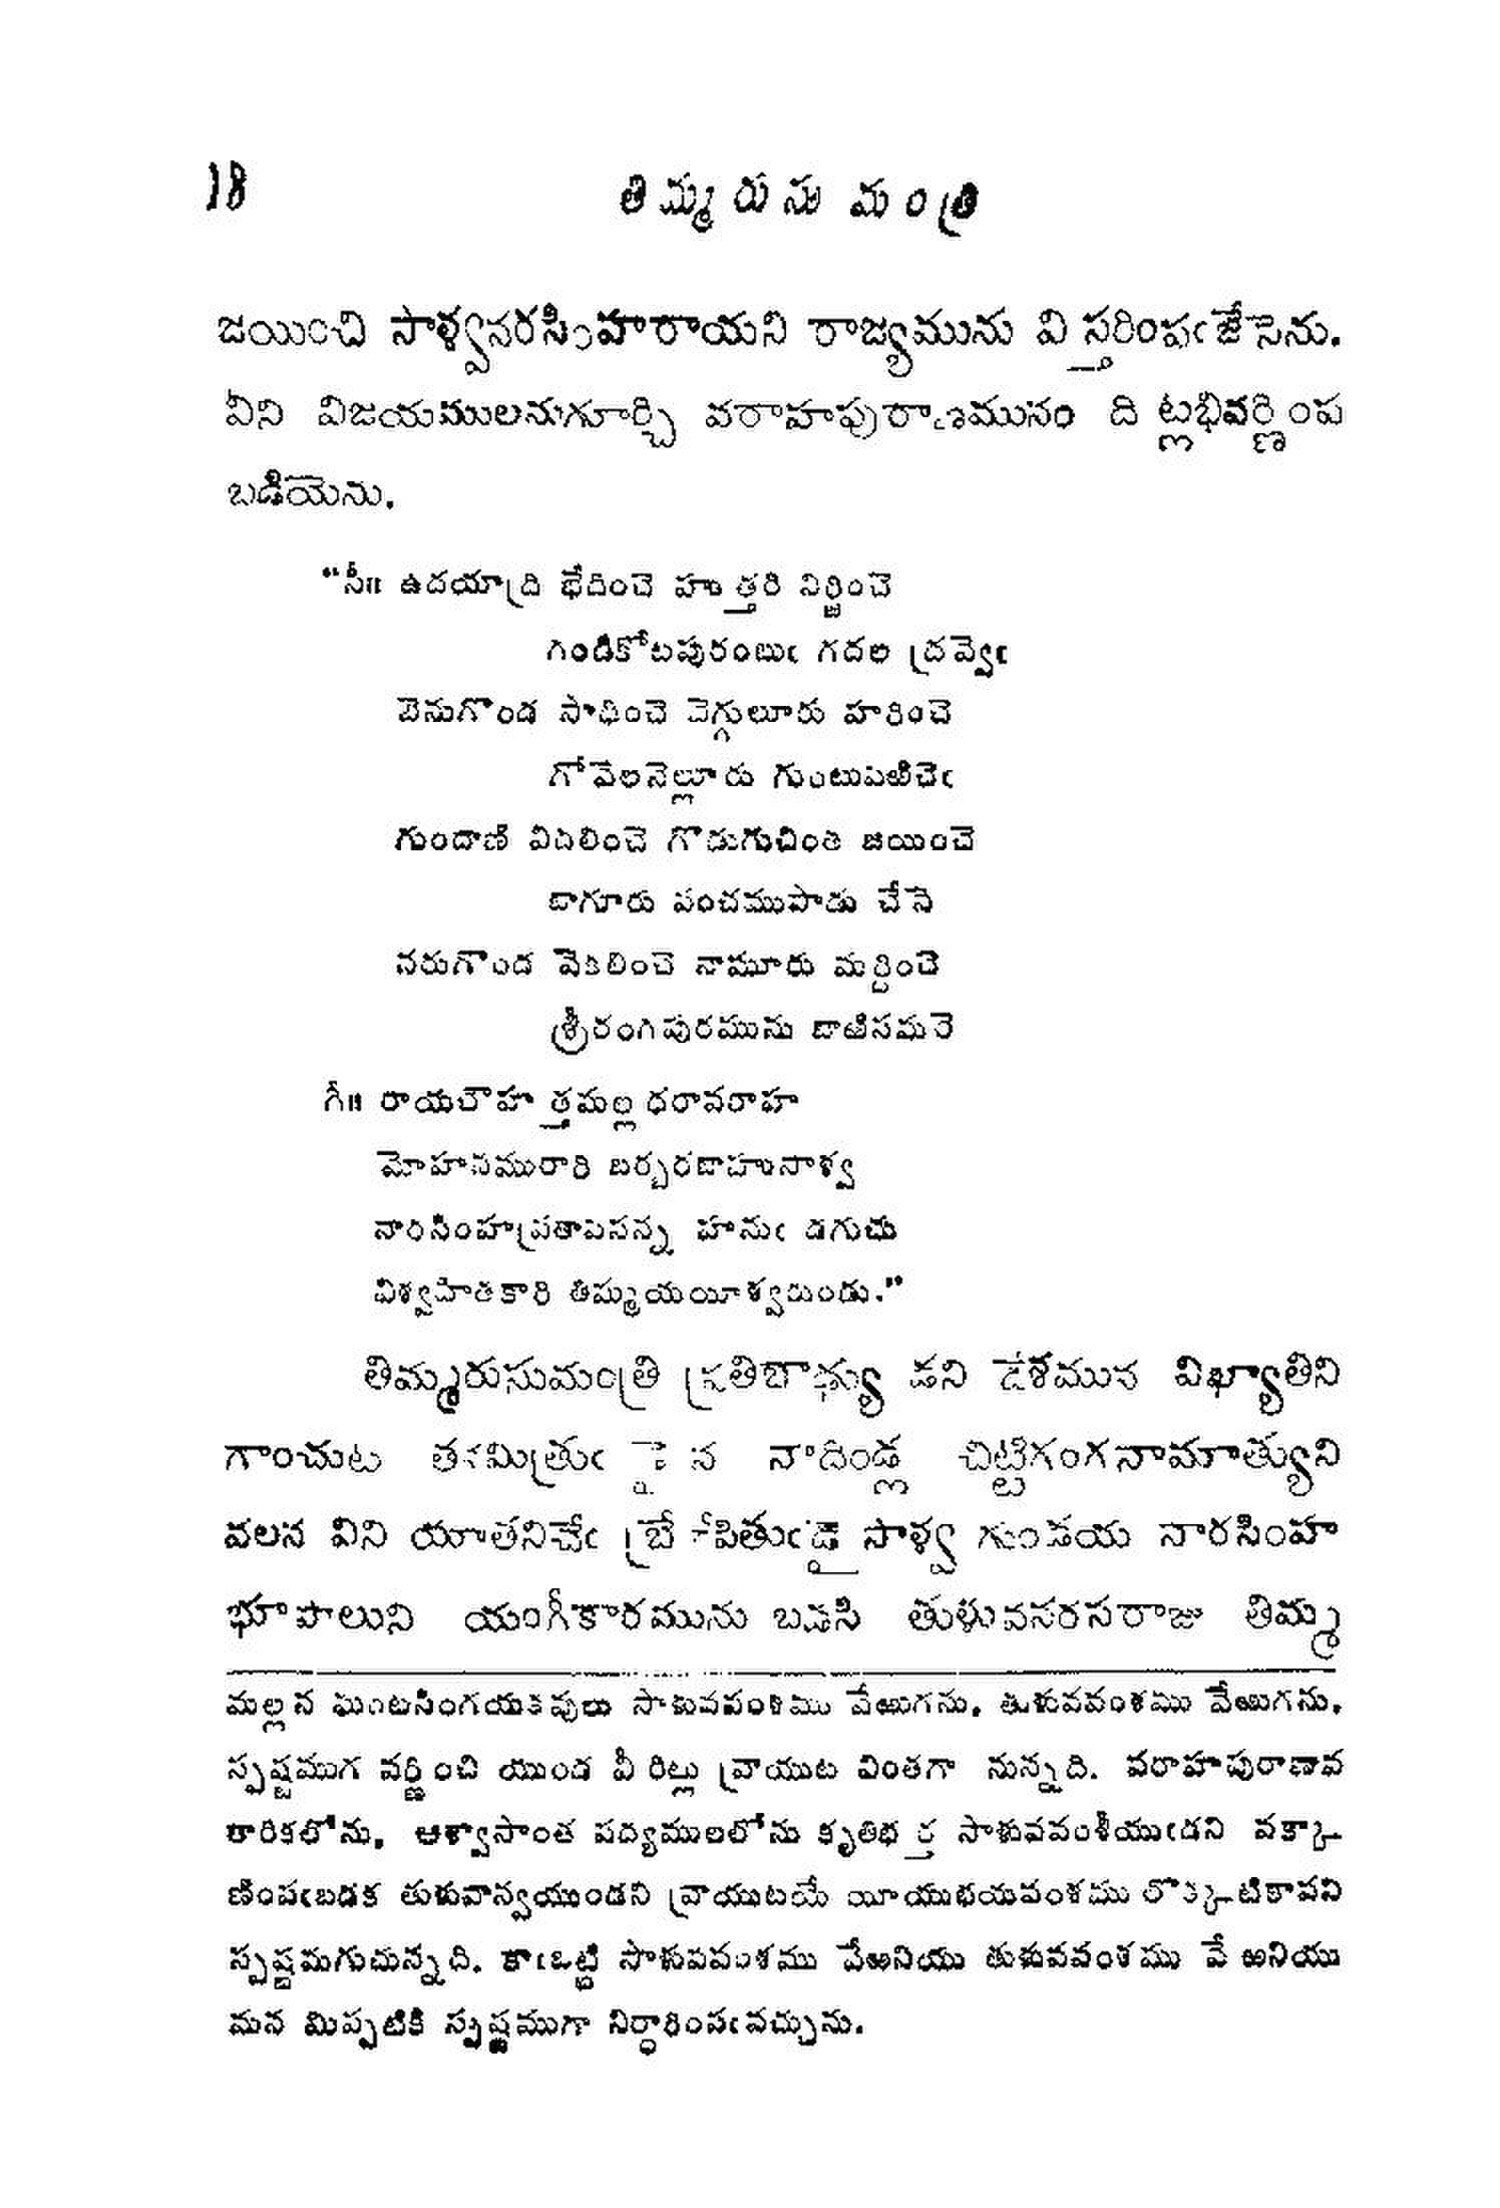జయించి సాళ్వనరసింహరాయని రాజ్యమును విస్తరింపఁజేసెను. వీని విజయములనుగూర్చి వరాహపురాణమునం దిట్లభివర్ణింప బడియెనూ 

"సీ. ఉదయాద్రి భేదించే హుత్తరి నిర్జించె
 గండికోటపురంబుఁ గదల ద్రవ్వెఁ 
 పెనుగొండ సాధించే చెగ్గులూరు హరించె
 గోవెలనెల్లూరు గుంటుపిఱిచెఁ 
 గుందాణి విడిలించే గొడుగుచింత జియించె
 దాగూరు పంచముపాడు చేనే 
 నరుగొండ వెకిలించె నామూరు మర్దించె
 శ్రీరంగపురమును బాఱిసమరె 

గీ. రాయచౌహత్తమల్ల ధరావరాహ
 మోహనమురారి బర్బరబాహుసాళ్వ 
 నారసింహప్రతాపసన్న హనుఁ డగుచు 
 విశ్వహితకారి తిమ్మయయీశ్వరుండు."
తిమ్మరుసుమంత్రి ప్రతిబాఢ్యు డని దేశమున విఖ్యాతిని గాంచుట తనమిత్రుఁ డైన నాదిండ్ల చిట్టిగంగనామాత్యుని వలన విని యూతనిచేఁ బ్రేరేపితుఁడై సాళ్వ గుండయ నారసింహ భూపాలుని యంగీకారమును బడసి తుళువనరసరాజు తిమ్మ